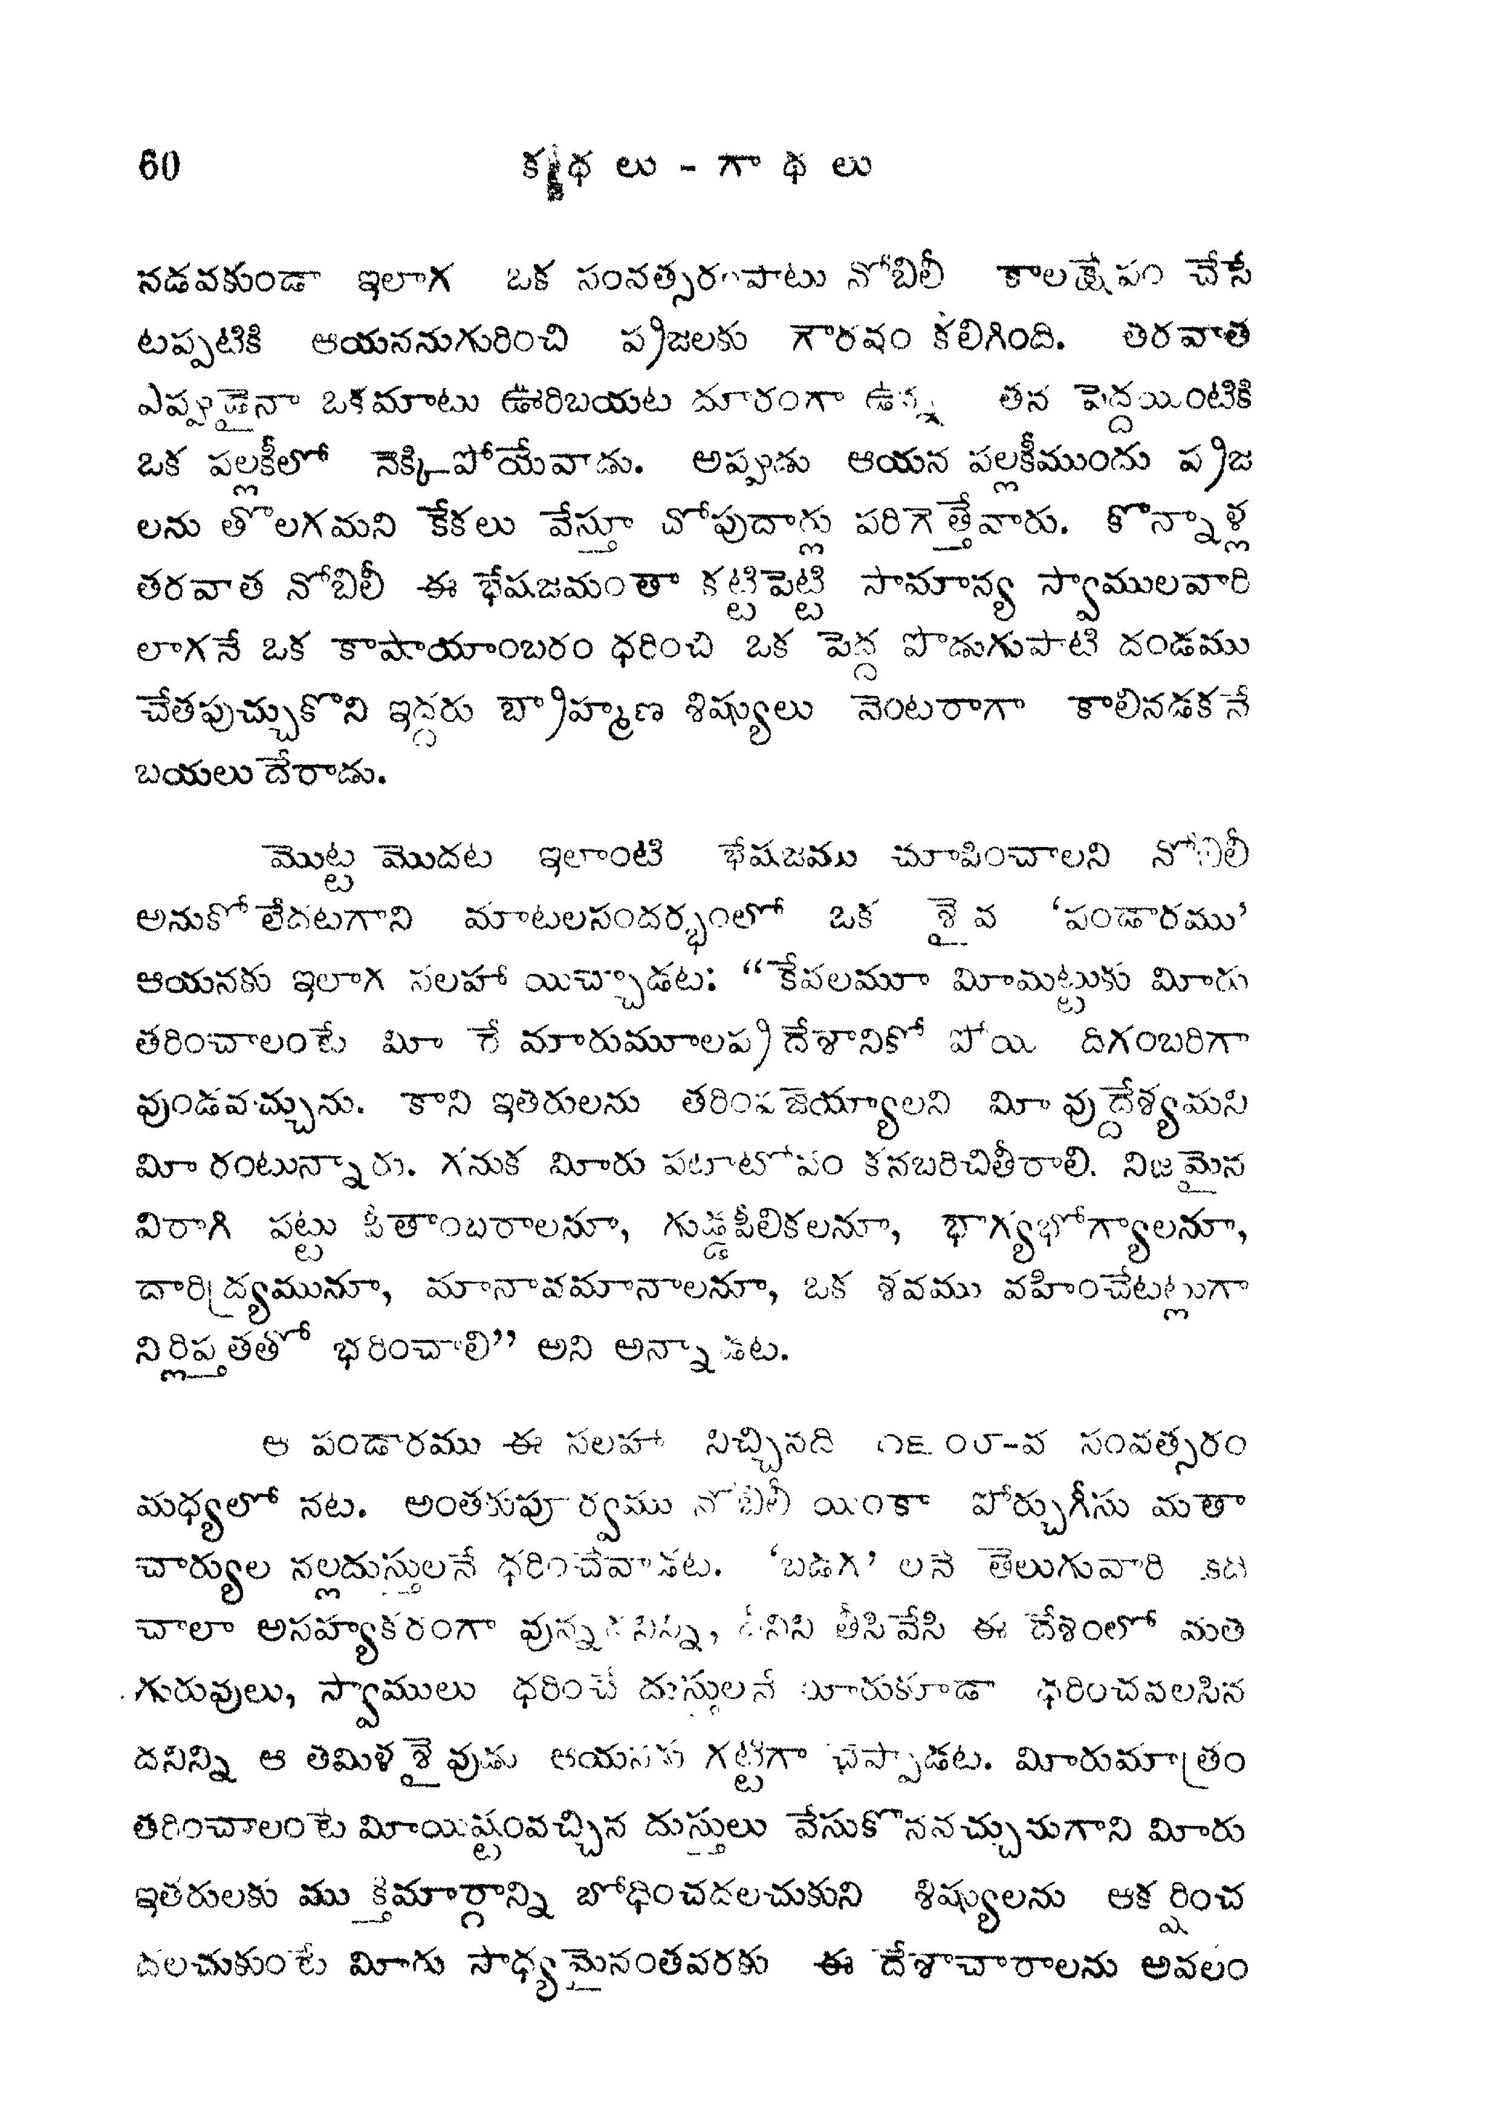నడవకుండా ఇలాగ ఒక సంవత్సరం పాటు నోబిలీ కాలక్షేం చేసేటప్పటికి ఆయన గురించి ప్రజలకు గౌరవం కలిగింది. తరవాత ఎప్పుడైనా ఒకమాటు ఊరింబయట దూరంగా ఉన్న తన పెద్దయింటికి ఒక పల్లకీలో నెక్కిపోయేవాడు. అప్పుడు ఆయన పల్లకీముందు ప్రజలను తొలగమని కేకలు వేస్తూ దోపుదార్లు పరిగెత్తేవారు. కొన్నాళ్ల తరవాత నొబిలీ ఈ భేషజమంతా కట్టిపెట్టి సామాన్య స్వాములవారి లాగనే ఒక కాషాయాంబరం ధరించి ఒక పెద్ద పుడుగుపాటి దండం చేతపుచ్చుకొని ఇద్దరు బ్రాహ్మణ శిష్యులు వెంటరాగా కాలినడకనే బయలుదేరాడు.

మొట్ట మొదట ఇలాంటి భేషజము చూపించాలని నొబిలీ అనుకోలేదుగాని మాటలసందర్భంలో ఒక శైవ 'పండారము ' ఆయనకు ఇలాగ సలహా యిచ్చాడట: "కేవలమూ మీమట్టుకు మీరు తరించాలంటే మీ రే మారుమూల ప్రదేశానికో పోయి దిగంబరిగా వుండవచ్చును. కాని ఇతరులను తరింపజెయ్యా లని మీవుద్ద్యేశ్వమని మీరంటున్నారు. గనుక మీరు పటాటోపం కనబరిచితీరాలి. నిజమైన విరాగి పట్టు పీతాంబరాలనూ, గుడ్డపీలికలనూ, భాగ్యభోగ్యాలనూ, దారిద్య్రమునూ, మానాభిమానాలనూ, ఒక శవము వహించేటట్లుగా నిర్లిప్తతతో భరించాలి" అని అన్నాడట.

ఆ పండారము ఈ సలహా నిచ్చినది 1908 వ సంవత్సరం మధ్యలొ నట. అంతకుపూర్వము నోబిలీ యింకా పోర్చుగీసు మతాచార్యుల నల్లదుస్తులనే ధరించేవాడట. 'బడగ ' లనే తెలుగువారి కధ చాలా అసహ్యకరంగా వున్నదనిన్నీ, దీనిని తీసివేసి ఈ దేశంలో మత గురువులు, స్వాములు ధరించే దుస్తులనే మీరుకూడా ధరింవలసినదనిన్ని ఆ తమిళశైవుడు ఆయనకు గట్టిగా చెప్పాడట. మీరుమాత్రం తరించాలంటే మీయిష్టంవచ్చిన దుస్తులు వేసుకొనవచ్చునుగాని మీరు ఇతరులకు ముక్తిమార్గాన్ని బోధించ దలచుకుని శిష్యులను ఆకర్షించదలచుకుంటే మీరు సాధ్యమైనంతవరకు ఈ దేశాచారములను అవలం